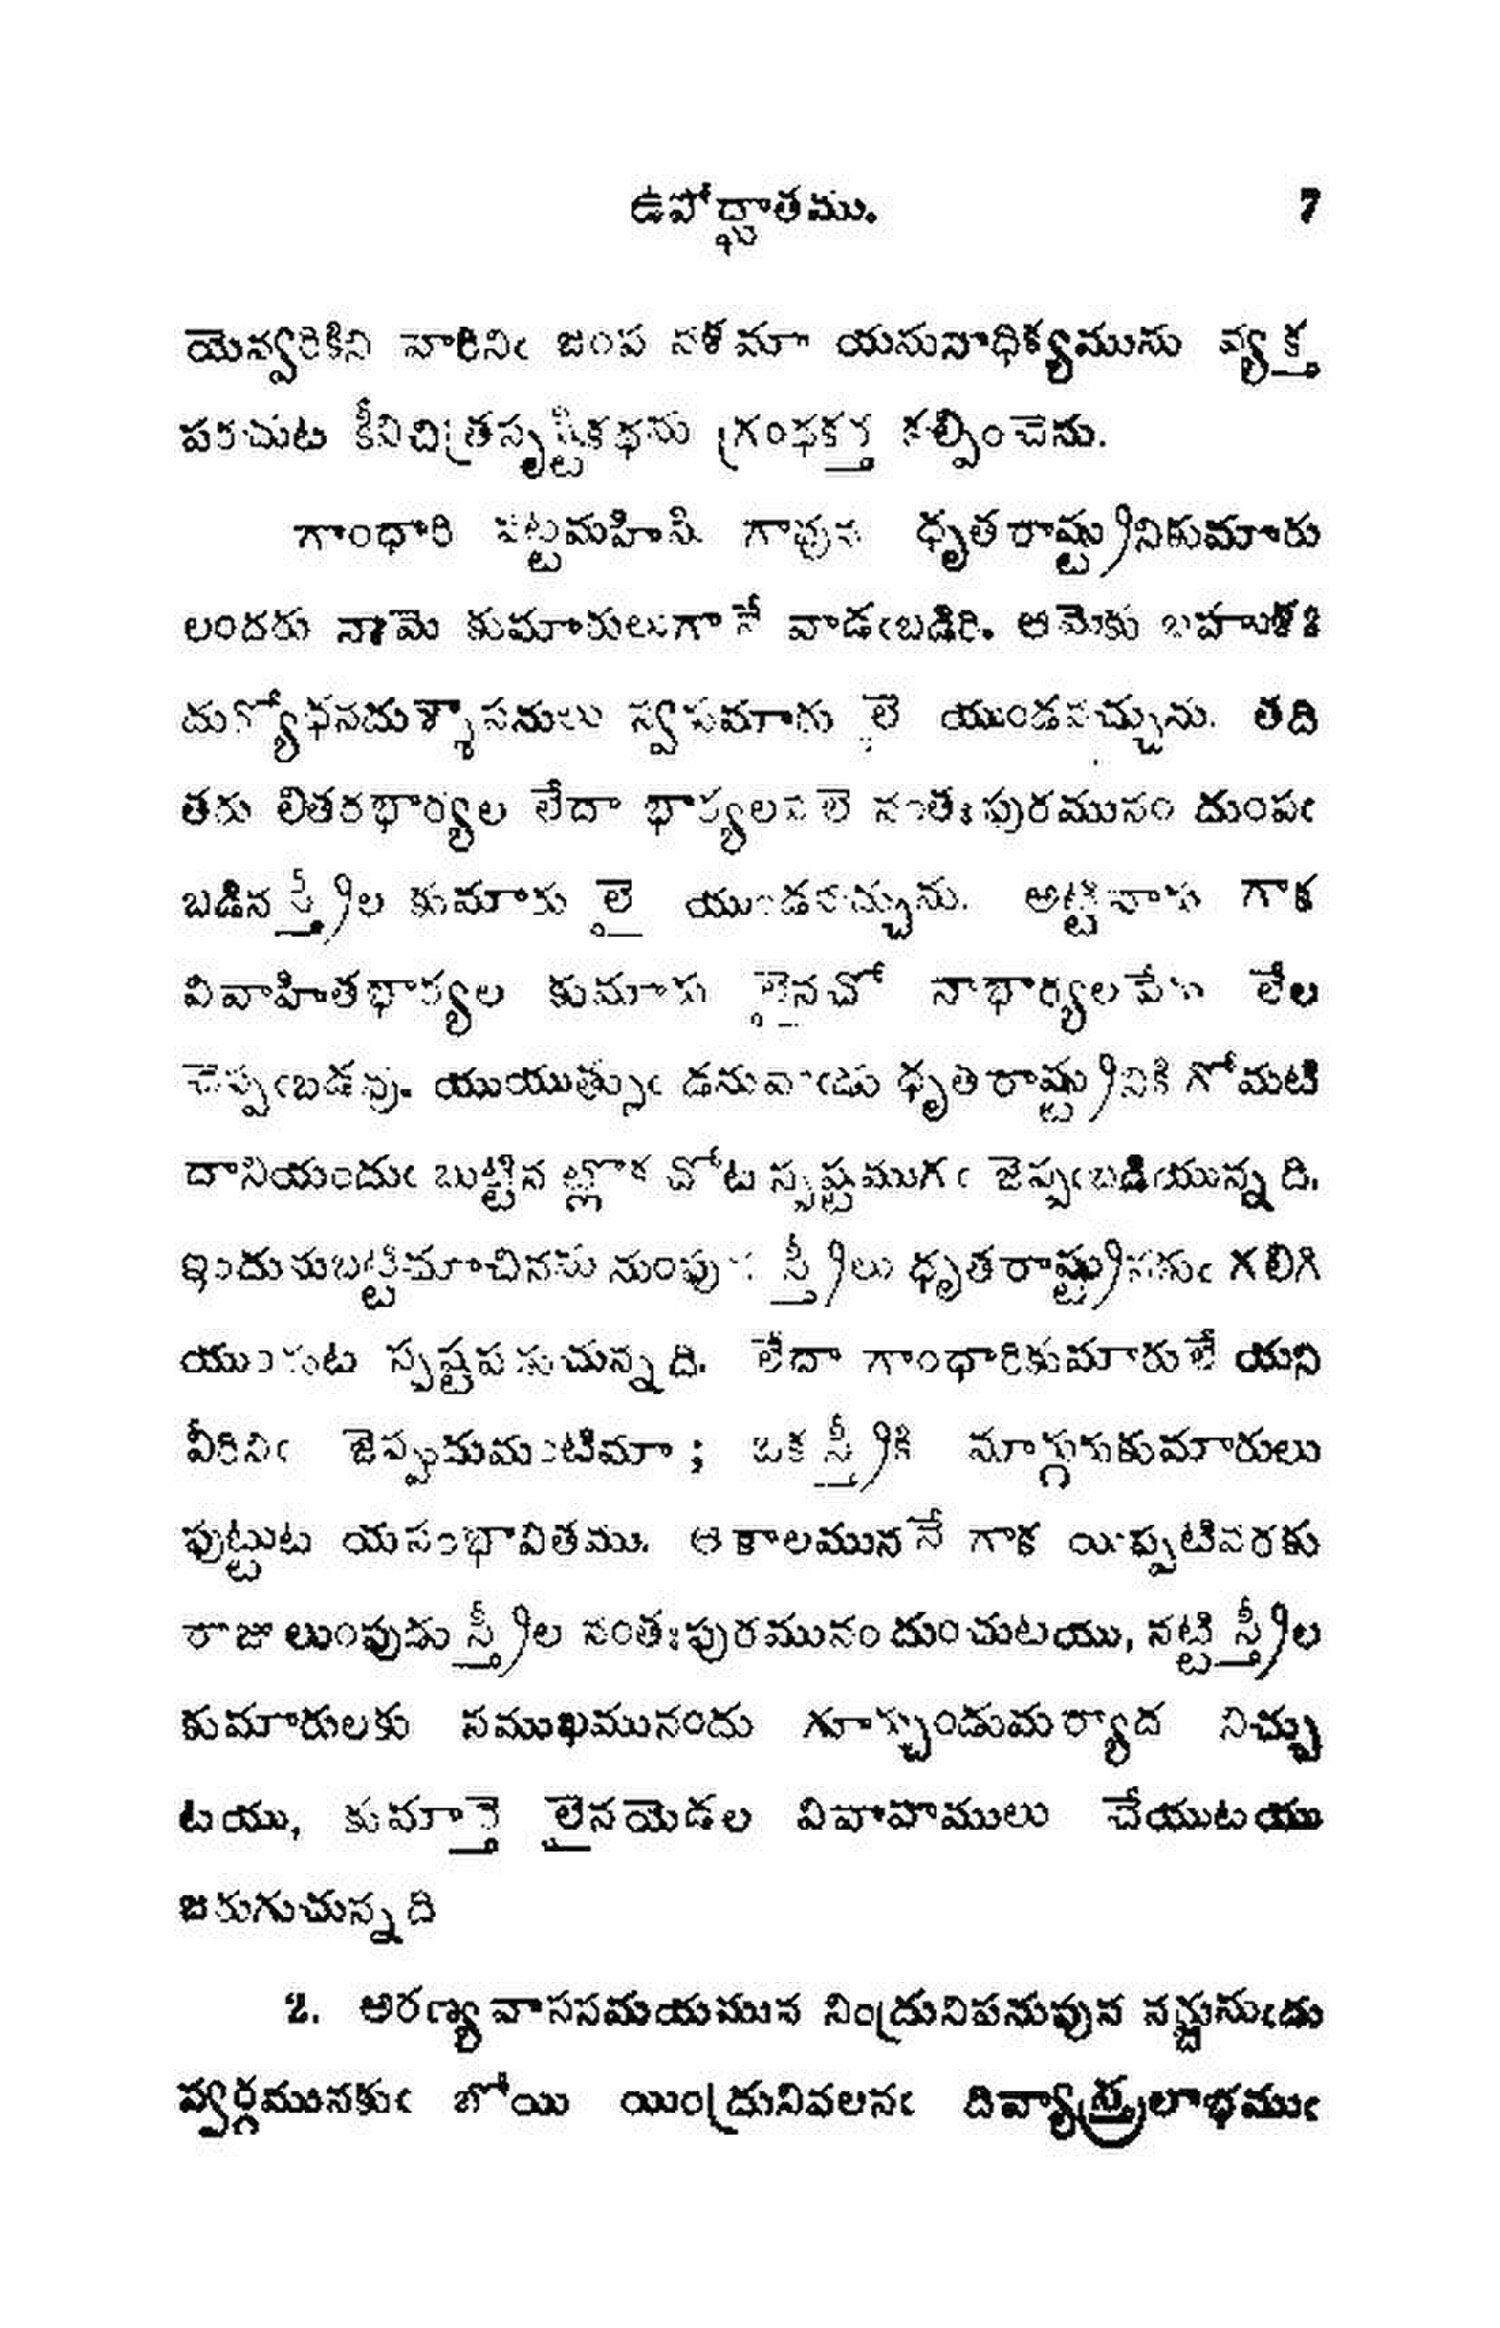యెవ్వరికిని వారినిఁ జంప వశమా యనునాధిక్యమును వ్యక్తపరచుట కీవిచిత్రసృష్టికథను గ్రంథకర్త కల్పించెను.

గాంధారి పట్టమహిషి గావున ధృతరాష్ట్రునికుమారు లందరు నామె కుమారులుగానే వాడఁబడిరి. ఆమెకు బహుశః దుర్యోధనదుశ్శాసనులు స్వకుమారు లై యుండవచ్చును. తదితరు లితరభార్యల లేదా భార్యలవలె నంతఃపురమునం దుంపఁబడినస్త్రీల కుమారు లై యుండవచ్చును. అట్టివారు గాక
వివాహితభార్యల కుమారు లైనచో నాభార్యలపేరు లేల చెప్పఁబడవు. యుయుత్సుఁ డనువాఁడు ధృతరాష్ట్రునికి గోమటి దానియందుఁ బుట్టిన ట్లొక చోట స్పష్టముగఁ జెప్పఁబడియున్నది.
ఇందునుబట్టిచూచినను నుంపుడు స్త్రీలు ధృతరాష్ట్రునకుఁ గలిగి యుండుట స్పష్టపడుచున్నది. లేదా గాంధారికుమారులే యని వీరినిఁ జెప్పుదుమంటిమా ; ఒకస్త్రీకి నూర్గురుకుమారులు పుట్టుట యసంభావితము. ఆకాలముననే గాక యిప్పటివరకు రాజు లుంపుడుస్త్రీల సంతఃపురమునం దుంచుటయు, నట్టిస్త్రీల కుమారులకు సముఖమునందు గూర్చుండుమర్యాద నిచ్చుటయు, కుమార్తె లైనయెడల వివాహములు చేయుటయు జరుగుచున్నది

2. అరణ్యవాససమయమున నింద్రునిపనువున నర్జునుఁడు స్వర్గమునకుఁ బోయి యింద్రునివలనఁ దివ్యాస్త్రలాభముఁ